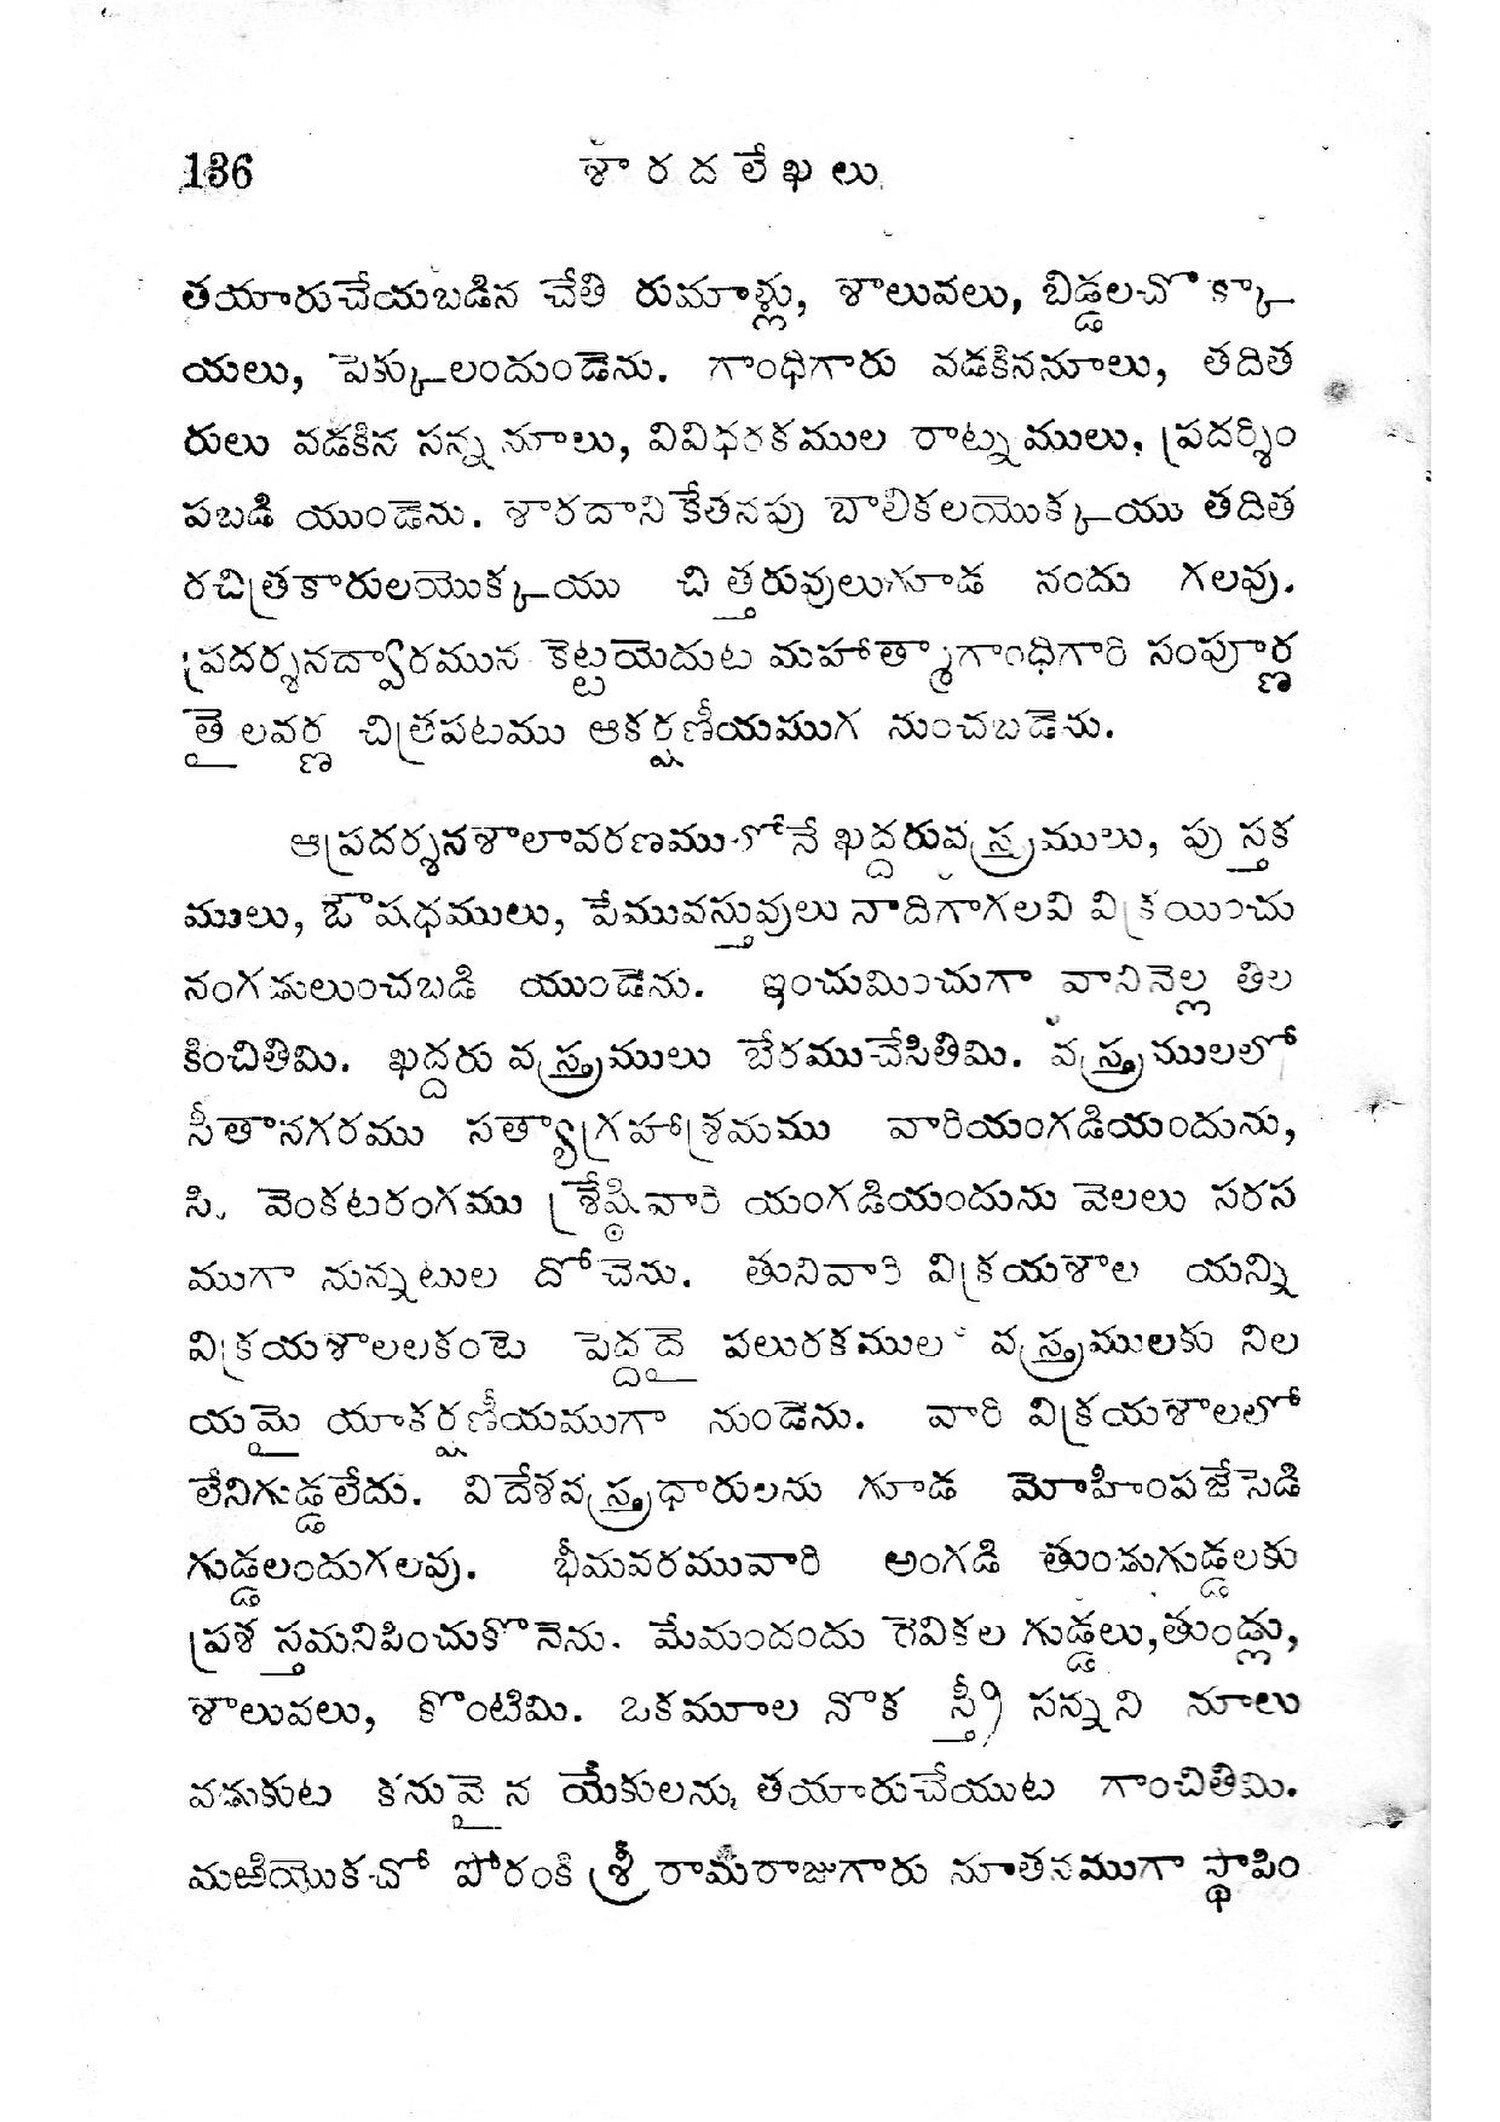తయారుచేయబడిన చేతి రుమాళ్లు, శాలువలు, బిడ్డలచొక్కాయలు, పెక్కులందుండెను. గాంధీగారు వడకిననూలు, తదితరులు వడకిన సన్న నూలు, వివిధరకముల రాట్నములు, ప్రదర్శింపబడి యుండెను. శారదానికేతనపు బాలికలయొక్కయు తదితరచిత్రకారులయొక్కయు చిత్తరువులుగూడ నందు గలవు.
ప్రదర్శనద్వారమున కెట్టయెదుట మహాత్మాగాంధీగారి సంపూర్ణ తైలవర్ణ చిత్రపటము ఆకర్షణీయముగ నుంచబడెను.

ఆప్రదర్శనశాలావరణములోనే ఖద్దరువస్త్రములు, పుస్తకములు, ఔషధములు, పేమువస్తువులు నాదిగాగలవి విక్రయించు నంగడులుంచబడి యుండెను. ఇంచుమించుగా వానినెల్ల తిలకించితిమి. ఖద్దరు వస్త్రములు బేరముచేసితిమి. వస్త్రములలో సీతానగరము సత్యాగ్రహాశ్రమము వారియంగడియందును, సి. వెంకటరంగము శ్రేష్ఠివారి యంగడియందును వెలలు సరసముగా నున్నటుల దోచెను. తునివారి విక్రయశాల యన్ని విక్రయశాలలకంటె పెద్దదై పలురకముల వస్త్రములకు నిలయమై యాకర్షణీయముగా నుండెను. వారి విక్రయశాలలో లేనిగుడ్డలేదు. విదేశవస్త్రధారులను గూడ మోహింపజేసెడి గుడ్డలందుగలవు. భీమవరమువారి అంగడి తుండుగుడ్డలకు ప్రశస్తమనిపించుకొనెను. మేమందందు రెవికల గుడ్డలు, తుండ్లు, శాలువలు, కొంటిమి. ఒకమూల నొక స్త్రీ సన్నని నూలు వడుకుట కనువైన యేకులను తయారుచేయుట గాంచితిమి. మఱియొకచో పోరంకి శ్రీరామరాజుగారు నూతనముగా స్థాపిం